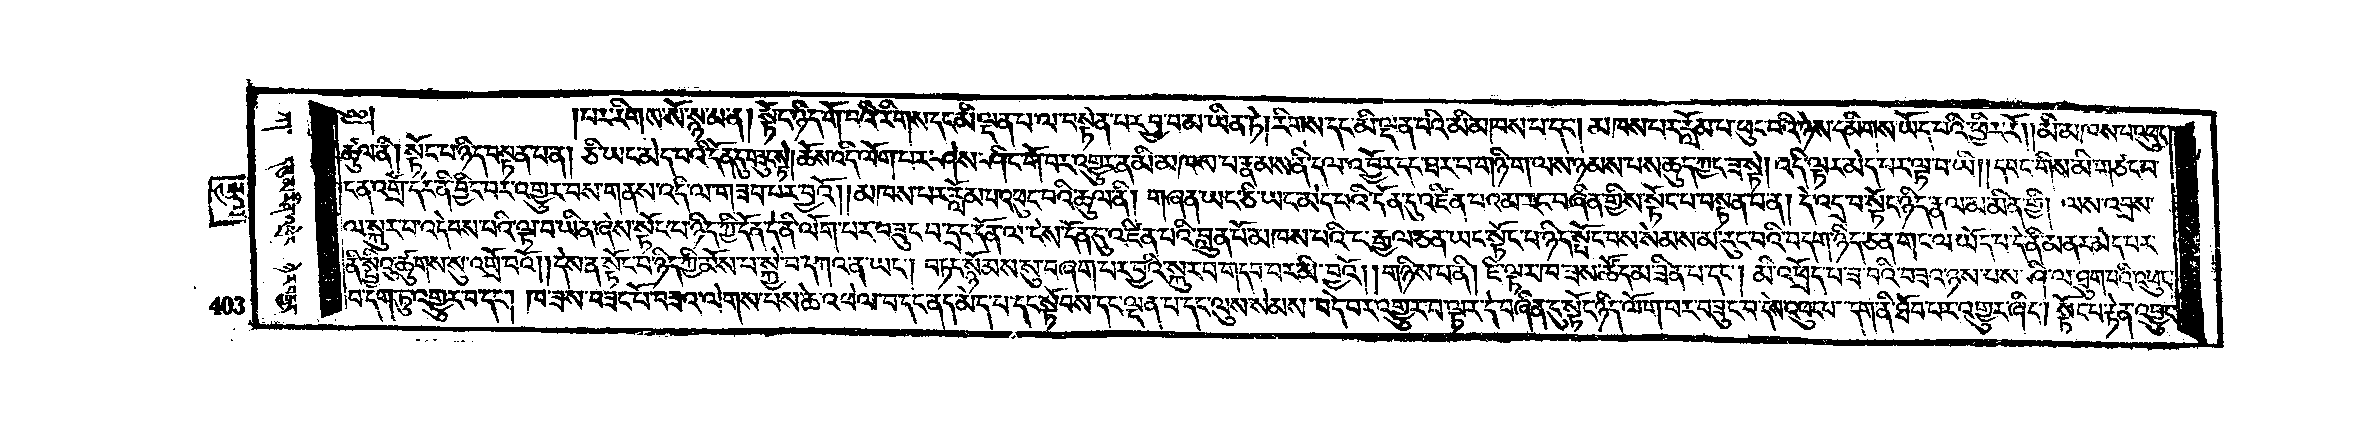༄༅། །པར་རིགས་སོ་སྙམ་ན། སྟོང་ཉིད་གོ་བའི་རིགས་དང་མི་ལྡན་པ་ལ་བསྟེན་པར་བྱ་བ་མ་ཡིན་ཏེ། རིགས་དང་མི་ལྡན་པའི་མི་མཁས་པ་དང་། མཁས་པར་རློམ་པ་ཕུང་པའི་ཉེས་དམིགས་ཡོད་པའི་ཕྱིར་རོ། །མི་མཁས་པ་འཕུང་
ཚུལ་ནི། སྟོང་པ་ཉིད་བསྟན་པ་ན། ཅི་ཡང་མེད་པའི་དོན་དུ་བཟུང་སྟེ། ཆོས་འདི་ལོག་པར་ཤེས་ཤིང་གོ་བར་འགྱུར་ན་མི་མཁས་པ་རྣམས་ནི་དལ་འབྱོར་དང་ཐར་པ་གཉི་ག་ལས་ཉམས་པས་ཆུད་ཀྱང་ཟ་སྟེ། འདི་ལྟར་མེད་པར་ལྟ་བ་ཡི། །དབང་གིས་མི་གཙང་བ་
ངན་འགྲོ་དེར་ནི་བྱིང་པར་འགྱུར་བས་གནས་འདི་ལ་གཟབ་པར་བྱའོ། །མཁས་པར་རློམ་པ་འཕུང་པའི་ཚུལ་ནི། གཞན་ཡང་ཅི་ཡང་མེད་པའི་དོན་དུ་འཛིན་པའམ་རང་བཞིན་གྱིས་སྟོང་པ་བསྟན་པ་ན། དེ་འདྲ་བ་སྟོང་ཉིད་རྣལ་མ་མིན་གྱི། ལས་འབྲས་
ལ་སྐུར་བ་འདེབས་པའི་ལྟ་བ་ཡིན་ཞེས་སྟོང་པ་ཉིད་ཀྱི་དོན་དེ་ནི་ལོག་པར་བཟུང་བ་དྲང་དོན་ལ་ངེས་དོན་དུ་འཛིན་པའི་བླུན་པོ་མཁས་པའི་ང་རྒྱལ་ཅན་ཡང་སྟོང་པ་ཉིད་སྤོང་བས་སེམས་མ་རུང་བའི་བདག་ཉིད་ཅན་གང་ལ་ཡོད་པ་དེ་ནི་མནར་མེད་པར་
ནི་སྤྱིའུ་ཚུགས་སུ་འགྲོ་བའོ། །དེས་ན་སྟོང་པ་ཉིད་ཀྱི་མོས་པ་སྐྱེ་བ་དཀའ་ན་ཡང་། བཏང་སྙོམས་སུ་བཞག་པར་བྱའི་སྐུར་བ་གདབ་པར་མི་བྱའོ། །གཉིས་པ་ནི། ཇི་ལྟར་ཁ་ཟས་ཚོད་མ་ཟིན་པ་དང་། མི་འཕྲོད་པ་ཟ་བའི་བཟའ་ཉས་པས་ཤི་ལ་ཐུག་པའི་འཕུང་
བ་དག་ཏུ་འགྱུར་བ་དང་། ཁ་ཟས་བཟང་པོ་བཟའ་ལེགས་པས་ཆེ་འཕེལ་བ་དང་ནད་མེད་པ་དང་སྟོབས་དང་ལྡན་པ་དང་ལུས་སེམས་བདེ་བར་འགྱུར་བ་ལྟར་དེ་བཞིན་དུ་སྟོང་ཉིད་ལོག་པར་བཟུང་བ་དེས་འཕུང་བ་དག་ནི་ཐོབ་པར་འགྱུར་ཞིང་། སྟོང་པ་རྟེན་འབྱུང་